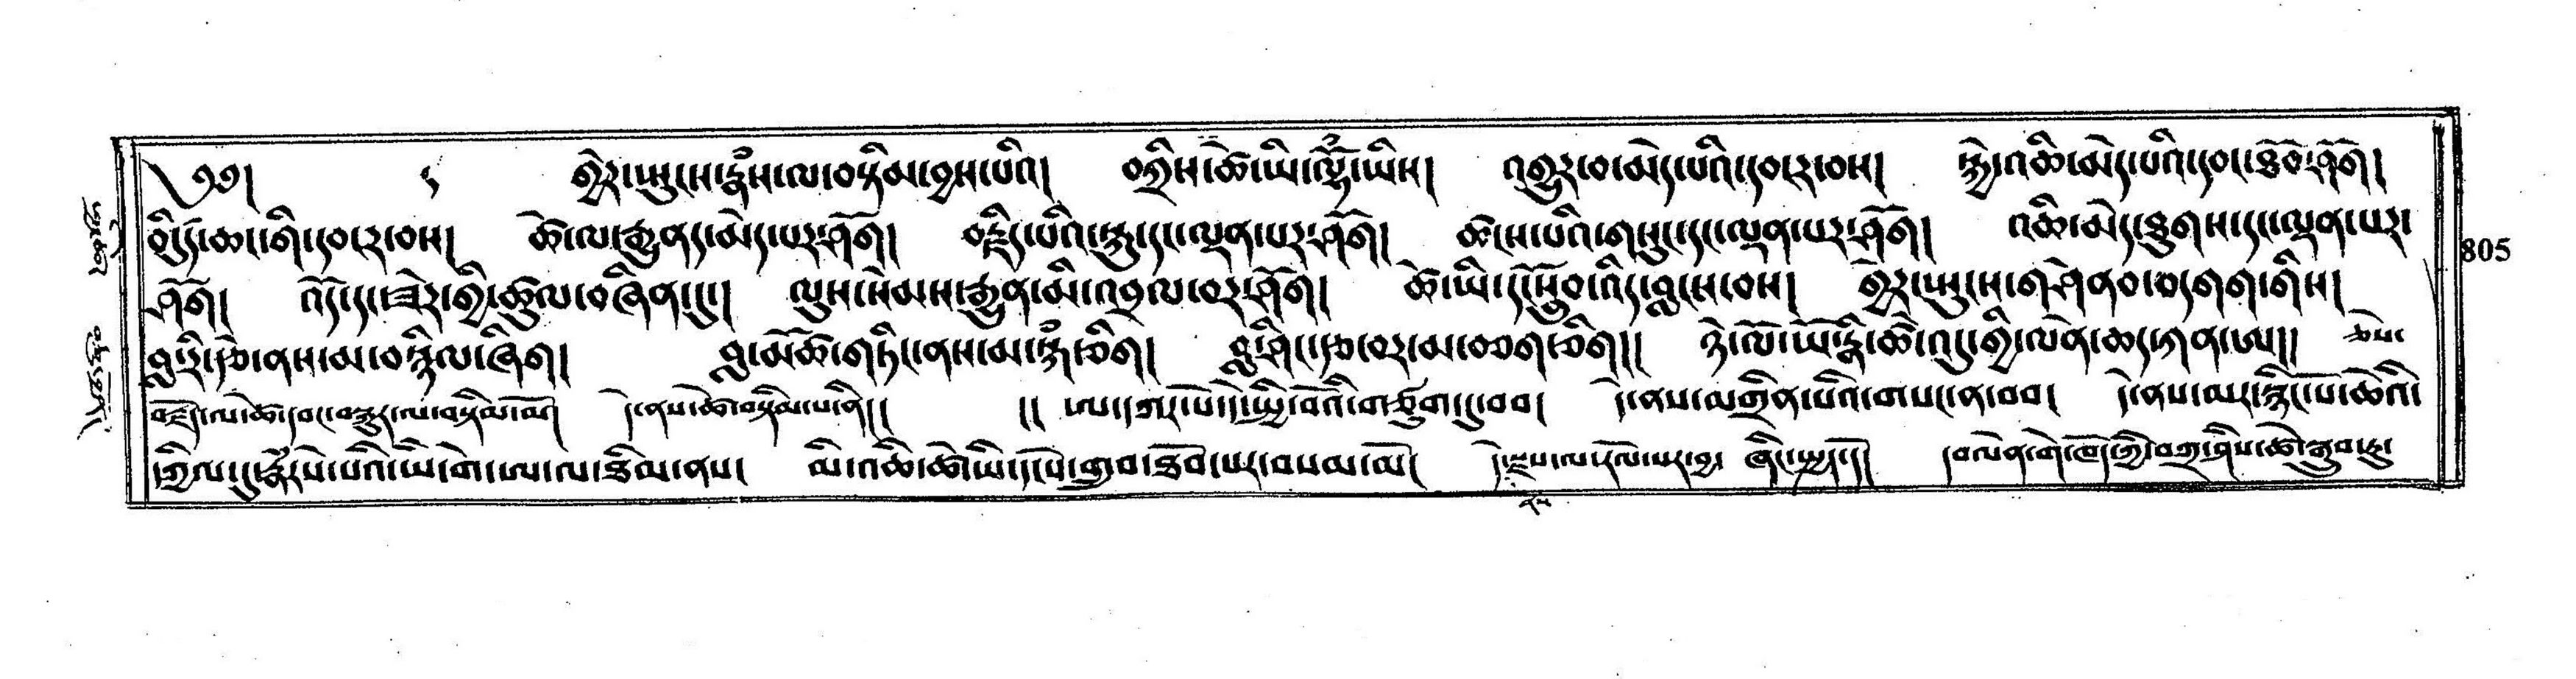གྱེར་སྤུངས་རྣམས་ལ་བསྟིམ་བྱས་པའི། བཀྲ་ཤིས་ཚེ་ཡི་ལྷ་མོ་ཡིས། འགྱུར་བ་མེད་པའི་དབང་བསྐུར་བས། སྐྱེ་འཆི་མེད་པའི་དབང་ཐོབ་ཤོག། 
བདུད་རྩི་ཆང་གི་དབང་བསྐུར་བས། ཚེ་ལ་རྒྱུན་ཆད་མེད་པར་ཤོག བརྗིད་པའི་སྐུ་དང་ལྡན་པར་ཤོག ཚངས་པའི་གསུང་དང་ལྡན་པར་ཤོག འཆི་མེད་ཐུགས་དང་ལྡན་པར་
ཤོག། འོད་དང་ཟེར་གྱི་ཚུལ་བཞིན་དུ། ལུས་སེམས་རྒྱུན་མི་འབྲལ་བར་ཤོག ཚེ་ཡི་དངོས་གྲུབ་འདི་བླངས་བས། གྱེར་སྤུངས་གཤེན་རབ་བདག་ཅག་གིས། 
བླ་རི་རྩེ་ནས་མ་བསྙིལ་ཞིག བླ་མཚོ་གཏིང་ནས་མ་སྐམ་ཅིག བླ་ཤིང་རྩ་བར་མ་བཅག་ཅིག ཉེ་ལོ་ཡོ་རྣི་ཚེ་འདུ་གྱི་ལེན་ཆད་ཀན་ཨ།། ཅེས་
བརྗོད་ལ་ཚེ་དབང་་བསྐུར་ལ་བསྟིམ་མོ། །དེ་ནས་ཚེ་བསྟིམ་པ་ནི།། །།ཨ་དཀར་པོ་དེ་སྤྱི་བོའི་གཙུག་དུ་བབ། དེ་ནས་མགྲིན་པའི་གསང་ན་བབ། དེ་ནས་མར་སྙིང་པོ་ཆེའི་
དཀྱིལ་དུ་རྣམ་པར་ཤེས་པའི་ཡི་གེ་ཨ་ལ་ཐིམ་ནས། མི་འཆི་ཚེ་ཡི་དངོས་གྲུབ་ཐོབ་པར་བསམ་མོ། དེ་ནས་རྫས་ལ་རོལ་པར་བྱ་ཞིང་སྤྱད་དོ། དབལ་ཆེན་གེ་ཁོད་ཀྱི་བཀྲ་ཤིས་ཚེ་སྒྲུབ་ཏུ་